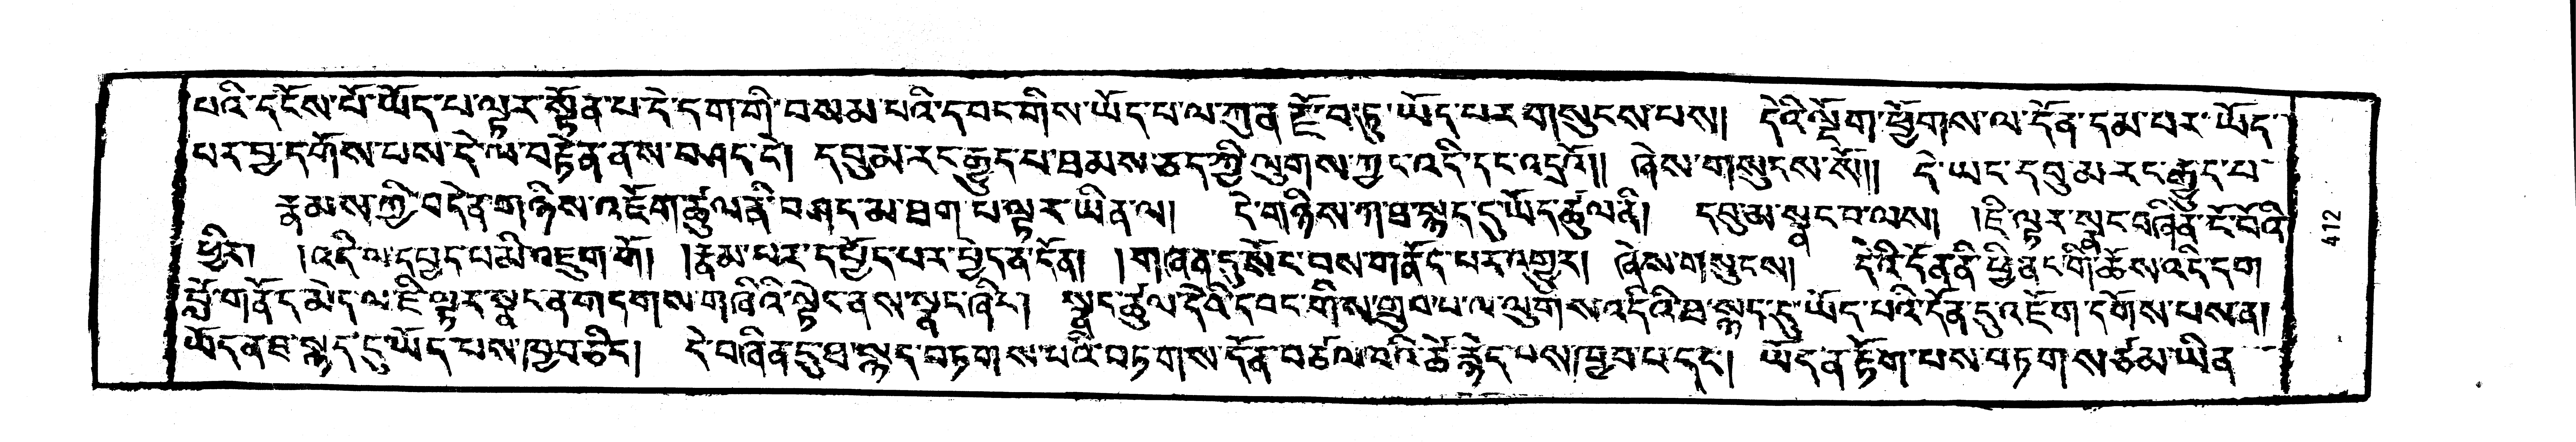པའི་དངོས་པོ་ཡོད་པ་ལྟར་སྟོན་པ་དེ་དག་གི་བསམ་པའི་དབང་གིས་ཡོད་པ་ལ་ཀུན་རྫོབ་ཏུ་ཡོད་པར་གསུངས་པས། དེའི་ལྡོག་ཕྱོགས་ལ་དོན་དམ་པར་ཡོད་
པར་བྱ་དགོས་པས་དེ་ལ་བརྟེན་ནས་བཤད་དེ། དབུ་མ་རང་རྒྱུད་པ་ཐམས་ཅད་ཀྱི་ལུགས་ཀྱང་འདི་དང་འདྲའོ། །ཞེས་གསུངས་སོ། །དེ་ཡང་དབུ་མ་རང་རྒྱུད་པ་
རྣམས་ཀྱི་བདེན་གཉིས་འཇོག་ཚུལ་ནི་བཤད་མ་ཐག་པ་ལྟར་ཡིན་ལ། དེ་གཉིས་ཀ་ཐ་སྙད་དུ་ཡོད་ཚུལ་ནི། དབུ་མ་སྣང་བ་ལས། །ཇི་ལྟར་སྣང་བཞིན་ངོ་བོའི་
ཕྱིར། །འདི་ལ་དཔྱད་པ་མི་འཇུག་གོ། །རྣམ་པར་དཔྱོད་པར་བྱེད་ན་དོན། །གཞན་དུ་སོང་བས་གནོད་པར་འགྱུར། ཞེས་གསུངས། དེའི་དོན་ནི་ཕྱི་ནང་གི་ཆོས་འདི་དག་
བློ་གནོད་མེད་ལ་ཇི་ལྟར་སྣང་ན་གདགས་གཞིའི་སྟེང་ནས་སྣང་ཞིང་། སྣང་ཚུལ་དེའི་དབང་གིས་གྲུབ་པ་ལ་ལུགས་འདིའི་ཐ་སྙད་དུ་ཡོད་པའི་དོན་དུ་འཇོག་དགོས་པས་ན།
ཡོད་ན་ཐ་སྙད་དུ་ཡོད་པས་ཁྱབ་ཅིང་། དེ་བཞིན་དུ་ཐ་སྙད་བཏགས་པའི་བཏགས་དོན་བཙལ་བའི་ཚེ་རྙེད་པས་ཁྱབ་པ་དང་། ཡོད་ན་རྟོག་པས་བཏགས་ཙམ་ཡིན་